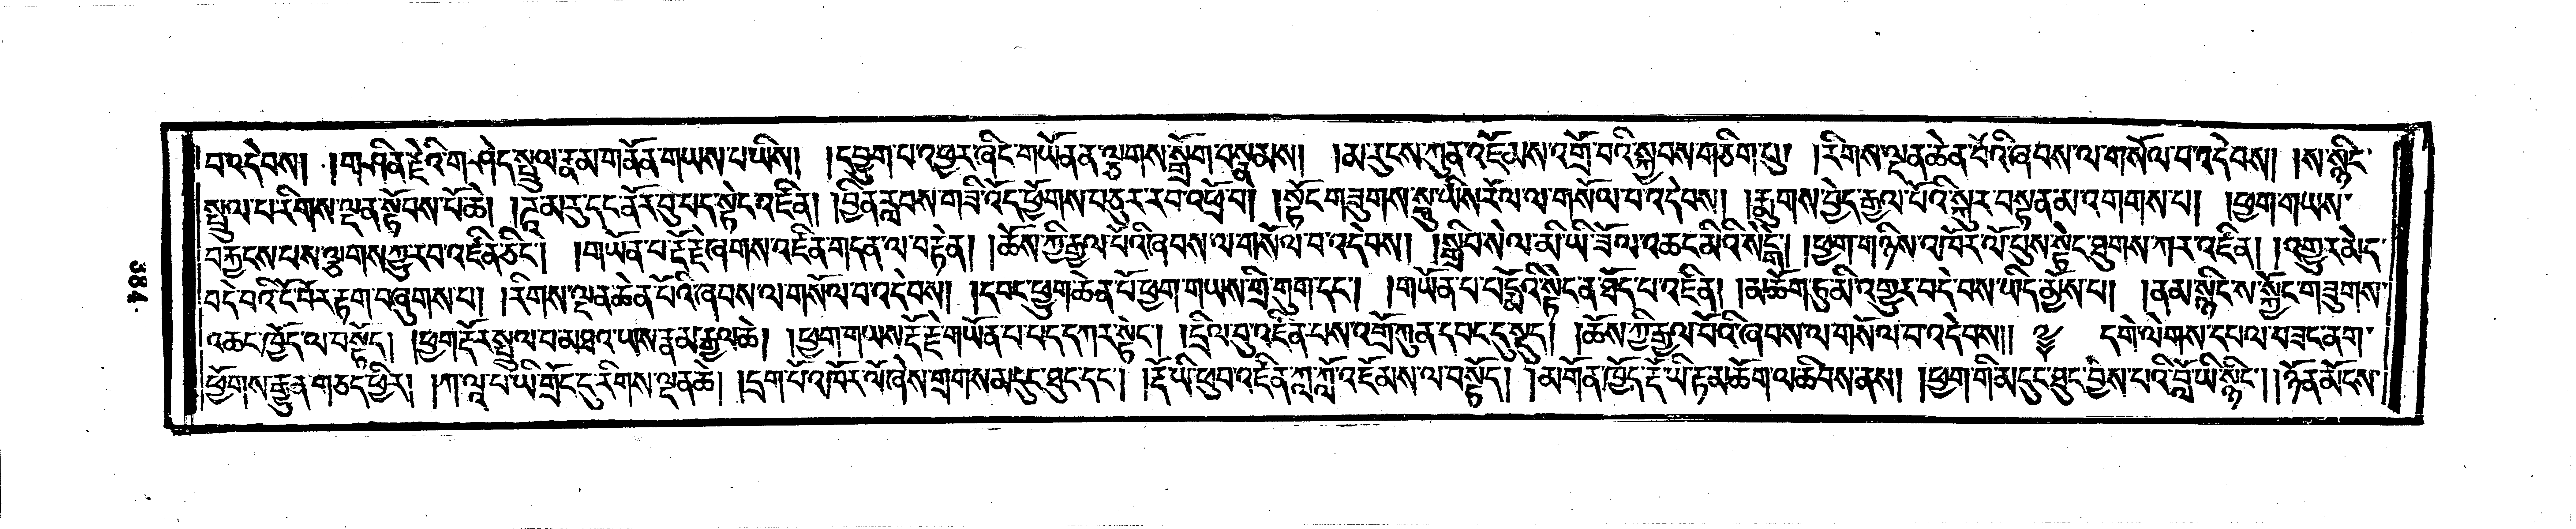བ་འདེབས། །གཤིན་རྗེ་གཤེད་སྤྲུལ་རྣམ་གནོན་གཡས་པ་ཡིས། །དབྱུག་པ་འཕྱར་ཞིང་གཡོན་ན་ལྕགས་སྒྲོག་བསྣམས། །མ་རུངས་ཀུན་འཇོམས་འགྲོ་བའི་སྐྱབས་གཅིག་པུ། །རིགས་ལྡན་ཆེན་པོའི་ཞབས་ལ་གསོལ་བ་འདེབས། །ས་སྙིང་
སྤྲུལ་པ་རིགས་ལྡན་སྟོབས་པོ་ཆེ། །ཌཱ་མ་རུ་དང་ནོར་བུ་པད་སྟེང་འཛིན། །བྱིན་རླབས་གཟི་འོད་ཕྱོགས་བཅུར་རབ་འཕྲོ་བ། །སྟོང་གཟུགས་སྐུ་ཡིས་རོལ་ལ་གསོལ་བ་འདེབས། །རྨུགས་བྱེད་རྒྱལ་པོའི་སྐུར་བསྟན་མ་འགགས་པ། །ཕྱག་གཡས་
བརྐྱངས་པས་ལྕགས་ཀྱུ་རབ་འཛིན་ཅིང་། །གཡོན་པ་རྡོ་རྗེ་ཞགས་འཛིན་གདན་ལ་བརྟེན། །ཆོས་ཀྱི་རྒྱལ་པོའི་ཞབས་ལ་གསོལ་བ་འདེབས། །སྒྲིབ་སེལ་མི་ཡི་ཟོལ་འཆང་མིའི་སེངྒེ། །ཕྱག་གཉིས་འཁོར་ལོ་བུས་སྟེང་ཐུགས་ཀར་འཛིན། །འགྱུར་མེད་
བདེ་བའི་ངོ་བོར་རྟག་བཞུགས་པ། །རིགས་ལྡན་ཆེན་པོའི་ཞབས་ལ་གསོལ་བ་འདེབས། །དབང་ཕྱུག་ཆེན་པོ་ཕྱག་གཡས་གྲི་གུག་དང་། །གཡོན་པ་པདམོའི་སྟེང་ན་ཐོད་པ་འཛིན། །མཆོག་ཏུ་མི་འགྱུར་བདེ་བས་ཡིད་མྱོས་པ། །ནམ་སྙིང་ས་སྐྱོང་གཟུགས་
འཆང་ཁྱོད་ལ་བསྟོད། །ཕྱག་རྡོར་སྤྲུལ་པ་མཐའ་ཡས་རྣམ་རྒྱལ་ཆེ། །ཕྱག་གཡས་རྡོ་རྗེ་གཡོན་པ་པད་དཀར་སྟེང་། །དྲིལ་བུ་འཛིན་པས་འགྲོ་ཀུན་དབང་དུ་སྡུད། །ཆོས་ཀྱི་རྒྱལ་པོའི་ཞབས་ལ་གསོལ་བ་འདེབས།། ༈ དགེ་ལེགས་དཔལ་བཟང་ནག་
ཕྱོགས་རྒྱུན་གཅད་ཕྱིར། །ཀ་ལཱ་པ་ཡི་གྲོང་དུ་རིགས་ལྡན་ཆེ། །དྲག་པོ་འཁོར་ལོ་ཞེས་གྲགས་མདུང་ཐུང་དང་། །རྡོ་ཡི་ཕུབ་འཛིན་ཀླ་ཀློ་འཇོམས་ལ་བསྟོད། །མགོན་ཁྱོད་རྡོ་ཡི་རྟ་མཆོག་ལ་ཆིབས་ནས། །ཕྱག་གི་མདུང་ཐུང་བྱིས་པའི་བློ་ཡི་སྙིང་། །ཉོན་མོངས་